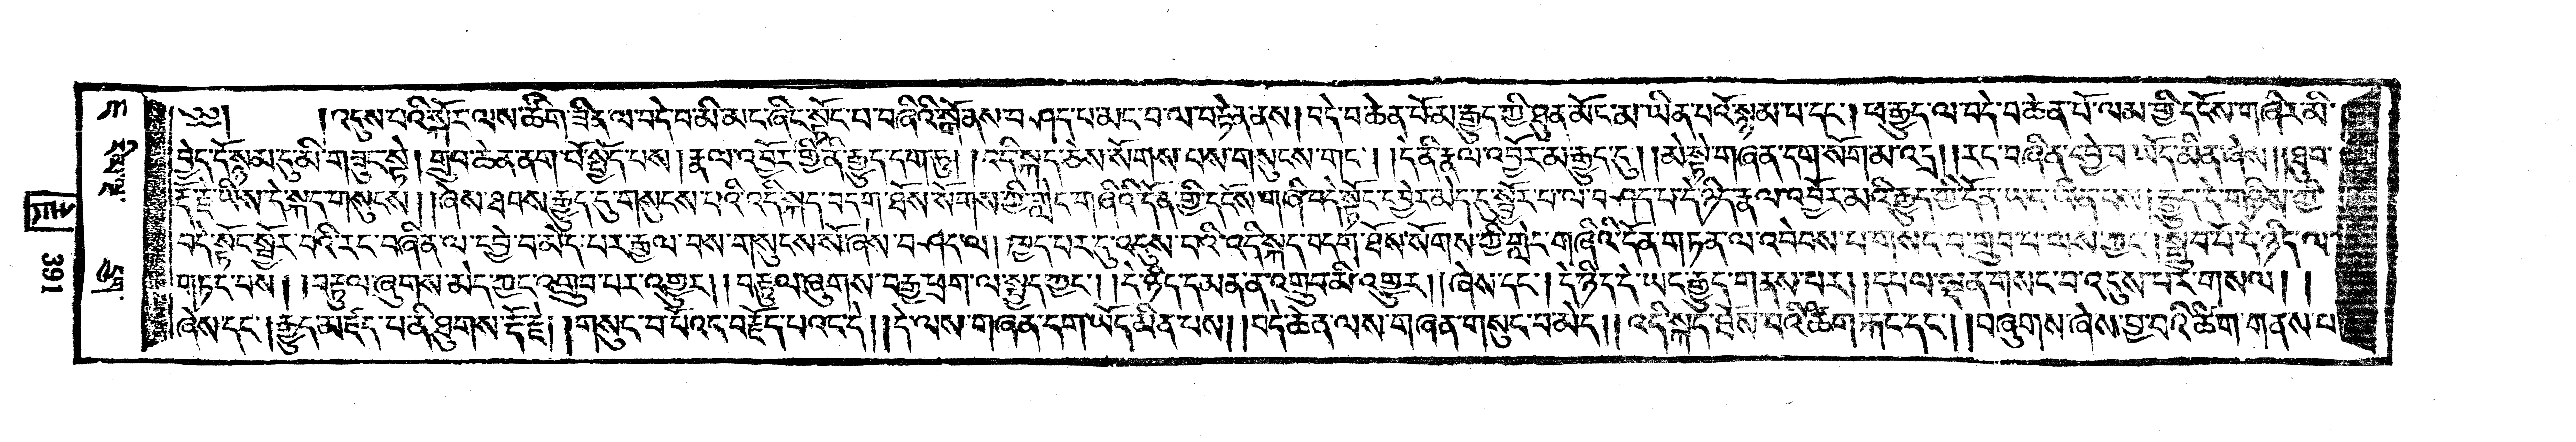༄༅། །འདུས་པའི་སྐོར་ལས་ཚིག་ཟིན་ལ་བདེ་བ་མི་མང་ཞིང་སྟོང་པ་བཞིའི་སྒོ་ནས་བཤད་པ་མང་བ་ལ་བརྟེན་ནས། བདེ་བ་ཆེན་པོ་མ་རྒྱུད་ཀྱི་ཐུན་མོང་མ་ཡིན་པའོ་སྙམ་པ་དང་། ཕ་རྒྱུད་ལ་བདེ་བ་ཆེན་པོ་ལམ་གྱི་དངོས་གཞིར་མི་
བྱེད་དོ་སྙམ་དུ་མི་གཟུང་སྟེ། གྲུབ་ཆེན་ནག་པོ་སྤྱོད་པས། རྣལ་འབྱོར་གྱི་ནི་རྒྱུད་དག་ཏུ། འདི་སྐད་ཅེས་སོགས་པས་གསུངས་གང་། །དེ་ནི་རྣལ་འབྱོར་མ་རྒྱུད་དུ། །མེ་སྟེ་གཞན་དག་སོག་མ་འདྲ། །རང་བཞིན་དབྱེ་བ་ཡོད་མིན་ཞེས། །ཐུབ་
རྡོ་རྗེ་ཡིས་དེ་སྐད་གསུངས། །ཞེས་ཐབས་རྒྱུད་དུ་གསུངས་པའི་འདི་སྐད་བདག་ཐོས་སོགས་ཀྱི་གླེང་གཞིའི་དོན་གྱི་དངོས་གཞི་བདེ་སྟོང་དབྱེར་མེད་དུ་སྦྱོར་བ་ལ་བཤད་པ་དེ་ཉིད་རྣལ་འབྱོར་མའི་རྒྱུད་ཀྱི་དོན་ཡང་ཡིན་པས། རྒྱུད་དེ་གཉིས་ཀྱི་
བདེ་སྟོང་སྦྱོར་བའི་རང་བཞིན་ལ་དབྱེ་བ་མེད་པར་རྒྱལ་བས་གསུངས་སོ་ཞེས་བཤད་ལ། ཁྱད་པར་དུ་འདུས་པའི་འདི་སྐད་བདག་ཐོས་སོགས་ཀྱི་གླེང་གཞིའི་དོན་གཏན་ལ་འབེབས་པ་གསང་བ་གྲུབ་པ་ལས་ཀྱང་། སྒྲུབ་པོ་དེ་ཉིད་ལ་
གཏང་པས། །བརྟུལ་ཞུགས་མེད་ཀྱང་འགྲུབ་པར་འགྱུར། །བརྟུལ་ཞུགས་བརྒྱ་ཕྲག་ལ་སྤྱད་ཀྱང་། །དེ་ཉིད་དམན་ན་འགྲུབ་མི་འགྱུར། །ཞེས་དང་། དེ་ཉིད་དེ་ཡང་རྒྱུད་གནས་པར། །དཔལ་ལྡན་གསང་བ་འདུས་པར་གསལ། །
ཞེས་དང་། རྒྱུད་མཛད་པ་ནི་ཐུགས་རྡོ་རྗེ། །གསུང་བ་པོའང་བརྗོད་པའང་དེ། །དེ་ལས་གཞན་དག་ཡོད་མིན་པས། །བདེ་ཆེན་ལས་གཞན་གསུང་བ་མེད། །འདི་སྐད་ཐོས་པའི་ཚིག་རྐང་དང་། །བཞུགས་ཞེས་བྱ་བའི་ཚིག་གནས་པ་